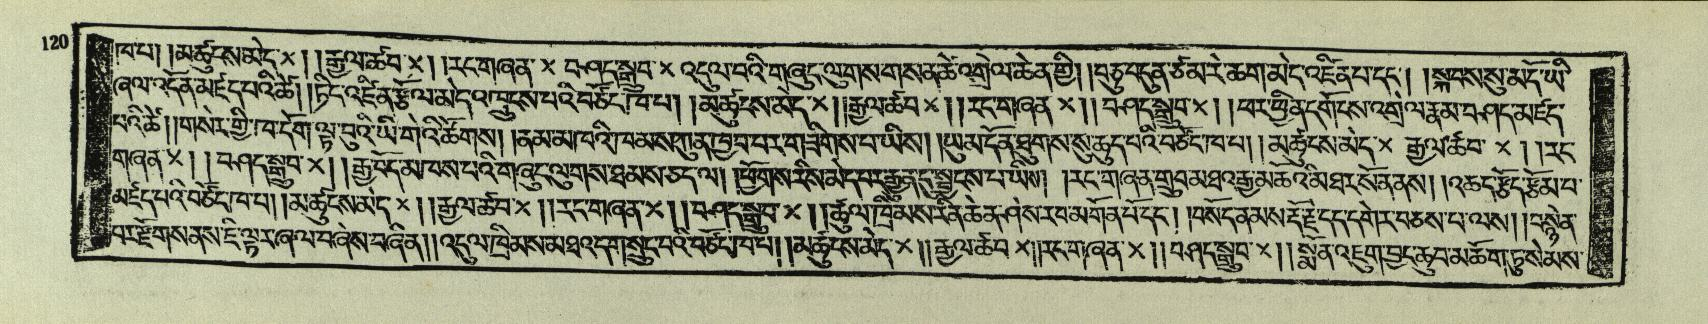ཁ་པ། །མཚུངས་མེད་྾། །རྒྱལ་ཚབ་྾། །རང་གཞན་྾་བཤད་སྒྲུབ་྾་འདུལ་བའི་གཞུང་ལུགས་གསན་ཚེ་འགྲེལ་ཆེན་གྱི། །བཅུ་བདུན་ཙམ་རེ་ཆག་མེད་འཛིན་པ་དང་། །སྐབས་སུ་མདོ་ཡི་
ཞལ་འདོན་མཛད་པའི་ཚེ། །ཏིང་འཛིན་རྩོལ་མེད་འཁྲུངས་པའི་བཙོང་ཁ་པ། །མཚུངས་མེད་྾། །རྒྱལ་ཚབ་྾། །རང་གཞན་྾། །བཤད་སྒྲུབ་྾། །ཕར་ཕྱིན་དགོངས་འགྲེལ་རྣམ་བཤད་མཛད་
པའི་ཚེ། །གསེར་གྱི་ཁ་དོག་ལྟ་བུའི་ཡི་གེའི་ཚོགས། །ནམ་མཁའི་ཁམས་ཀུན་ཁྱབ་པར་གཟིགས་པ་ཡིས། །ཡུམ་དོན་ཐུགས་སུ་ཆུད་པའི་བཙོང་ཁ་པ། །མཚུངས་མེད་྾་རྒྱལ་ཚབ་྾། །རང་
གཞན་྾། །བཤད་སྒྲུབ་྾། །རྒྱ་བོད་མཁས་པའི་གཞུང་ལུགས་ཐམས་ཅད་ལ། །ཕྱོགས་རིས་མེད་པར་རྒྱུན་དུ་སྦྱངས་པ་ཡིས། །རང་གཞན་གྲུབ་མཐའ་རྒྱ་མཆོའི་མཐར་སོན་ནས། །འཆད་རྩོད་རྩོམ་པ་
མཛད་པའི་བཙོང་ཁ་པ། །མཚུངས་མེད་྾། །རྒྱལ་ཚབ་྾། །རང་གཞན་྾། །བཤད་སྒྲུབ་྾། །ཚུལ་ཁྲིམས་རིན་ཆེན་ཤེས་རབ་མགོན་པོ་དང་། །བསོད་ནམས་རྡོ་རྗེ་དད་དགེར་བཅས་པ་ལས། །བསྙེན་
པར་རྫོགས་ནས་ཇི་ལྟར་ཞལ་བཞེས་བཞིན། །འདུལ་ཁྲིམས་མཐའ་དག་སྲུང་པའི་བཙོང་ཁ་པ། །མཚུངས་མེད་྾། །རྒྱལ་ཚབ་྾། །རང་གཞན་྾། །བཤད་སྒྲུབ་྾་།།སྨོན་འཇུག་བྱང་ཆུབ་མཆོག་ཏུ་སེམས་